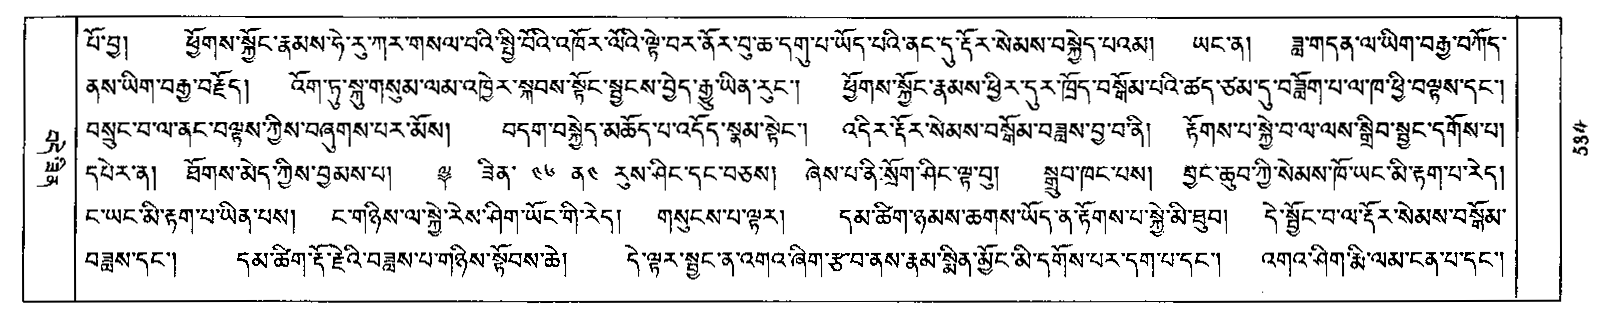པོ་བྱ། ཕྱོགས་སྐྱོང་རྣམས་ཧེ་རུ་ཀར་གསལ་བའི་སྤྱི་བོའི་འཁོར་ལོའི་ལྟེ་བར་ནོར་བུ་ཆ་དགུ་པ་ཡོད་པའི་ནང་དུ་རྡོར་སེམས་བསྐྱེད་པའམ། ཡང་ན། ཟླ་གདན་ལ་ཡིག་བརྒྱ་བཀོད་
ནས་ཡིག་བརྒྱ་བརྗོད། འོག་ཏུ་སྐུ་གསུམ་ལམ་འཁྱེར་སྐབས་སྟོང་སྦྱངས་བྱེད་རྒྱུ་ཡིན་རུང་། ཕྱོགས་སྐྱོང་རྣམས་ཕྱིར་དུར་ཁྲོད་བསྒོམ་པའི་ཚད་ཙམ་དུ་བཟློག་པ་ལ་ཁ་ཕྱི་བལྟས་དང་།
བསྲུང་བ་ལ་ནང་བལྟ་སྐྱིས་བཞུགས་པར་མོས། བདག་བསྐྱེད་མཆོད་པ་འདོད་སྣམ་སྟེང་། འདིར་རྡོར་སེམས་བསྒོམ་བཟླས་བྱ་བ་ནི། རྟོགས་པ་སྐྱེ་བ་ལ་ལས་སྒྲིབ་སྦྱངས་དགོས་པ།
དཔེར་ན། ཐོགས་མེད་ཀྱིས་བྱམས་པ། ༈ ཟིན ༤༦་ན ༤་རུས་ཤིང་དང་བཅས། ཞེས་པ་ནི་སྲོག་ཤིང་ལྟ་བུ། སྒྲུབ་ཁང་པས། བྱང་ཆུབ་ཀྱི་སེམས་ཁོ་ཡང་མི་རྟག་པ་རེད།
ང་ཡང་མི་རྟག་པ་ཡིན་པས། ང་གཉིས་ལ་སྐྱེ་རེས་ཤིག་ཡོང་གི་རེད། གསུངས་པ་ལྟར། དམ་ཚིག་ཉམས་ཆགས་ཡོད་ན་རྟོགས་པ་སྐྱེ་མི་ཐུབ། དེ་སྦྱོང་བ་ལ་རྡོར་སེམས་བསྒོམ་
བཟླས་དང་། དམ་ཚིག་རྡོ་རྗེའི་བཟླས་པ་གཉིས་སྟོབས་ཆེ། དེ་ལྟར་སྦྱང་ན་འགའ་ཞིག་རྩ་བ་ནས་རྣམ་སྨིན་མྱོང་མི་དགོས་པར་དག་པ་དང་། འགའ་ཤིག་རྨི་ལམ་ངན་པ་དང་།